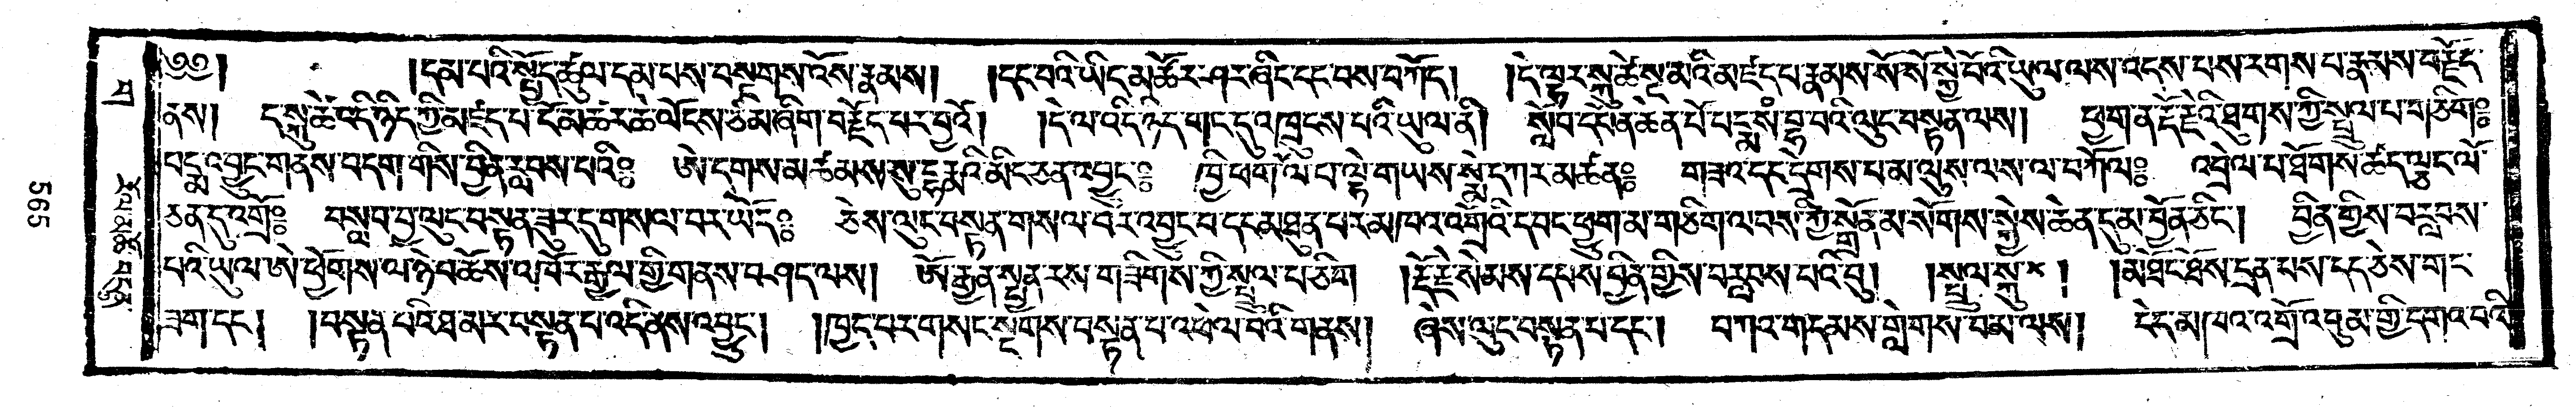༄༅། །དམ་པའི་སྤྱོད་ཚུལ་དམ་པས་བསྔགས་འོས་རྣམས། །དང་བའི་ཡིད་མཚོར་ཤར་ཞིང་དང་བས་བཀོད། །དེ་ལྟར་སྐུ་ཚེ་ལྔ་མའི་མཛད་པ་རྣམས་སོ་སོ་སྐྱེ་བོའི་ཡུལ་ལས་འདས་པས་རགས་པ་རྣམས་བརྗོད་
ནས། ད་སྐུ་ཚེ་འདི་ཉིད་ཀྱི་མཛད་པ་ངོ་མཚར་ཆེ་ལོངས་ཙམ་ཞིག་བརྗོད་པར་བྱའོ། །དེ་ལ་འདི་ཉིད་གང་དུ་འཁྲུངས་པའི་ཡུལ་ནི། སློབ་དཔོན་ཆེན་པོ་པདམ་སཾ་བྷ་བའི་ལུང་བསྟན་ལས། ཕྱག་ན་རྡོ་རྗེའི་ཐུགས་ཀྱི་སྤྲུལ་པ་གཅིགཿ
པདམ་འབྱུང་གནས་བདག་གིས་བྱིན་རླབས་པའིཿ ཨེ་དགས་མཚམས་སུ་དྷརྨའི་མིང་ཅན་འབྱུངཿ ཁྱི་ཕག་ལོ་པ་ལྟེ་གཡས་སྨེ་དཀར་མཚནཿ གཟའ་དང་དྲེགས་པ་མ་ལུས་ལས་ལ་བཀོལཿ འབྲེལ་པ་ཐོགས་ཚད་ལྕང་ལོ་
ཅན་དུ་འགྲོཿ བསླབ་བྱ་ལུང་བསྟན་ཟུར་དུ་གསལ་བར་ཡོདཿ ཅེས་ལུང་བསྟན་གསལ་བར་འབྱུང་བ་དང་མཐུན་པར་མཁའ་འགྲོའི་དབང་ཕྱུག་མ་གཅིག་ལབས་ཀྱི་སྒྲོན་མ་སོགས་སྐྱེས་ཆེན་དུ་མ་བྱོན་ཅིང་། བྱིན་གྱིས་བརླབས་
པའི་ཡུལ་ཨེ་ཕྱོགས་ལ་ཉེ་བ་ཆོས་འཁོར་རྒྱལ་གྱི་གནས་བཤད་ལས། ཨོ་རྒྱན་སྤྱན་རས་གཟིགས་ཀྱི་སྤྲུལ་པ་ཅིག །རྡོ་རྗེ་སེམས་དཔས་བྱིན་གྱིས་བརླབས་པའི་བུ། །སྤྲུལ་སྐུ་྾། །མཐོང་ཐོས་དྲན་པས་དད་ཅེས་གང་
ཟག་དང་། །བསྟན་པའི་ཐ་མར་བསྟན་པ་འདི་ནས་འབྱུང་། །ཁྱད་པར་གསང་སྔགས་བསྟན་པ་འཕེལ་བའི་གནས། ཞེས་ལུང་བསྟན་པ་དང་། བཀའ་གདམས་གླེགས་བམ་ལས། ངེད་མཁའ་འགྲོ་འབུམ་གྱི་དགའ་བའི་